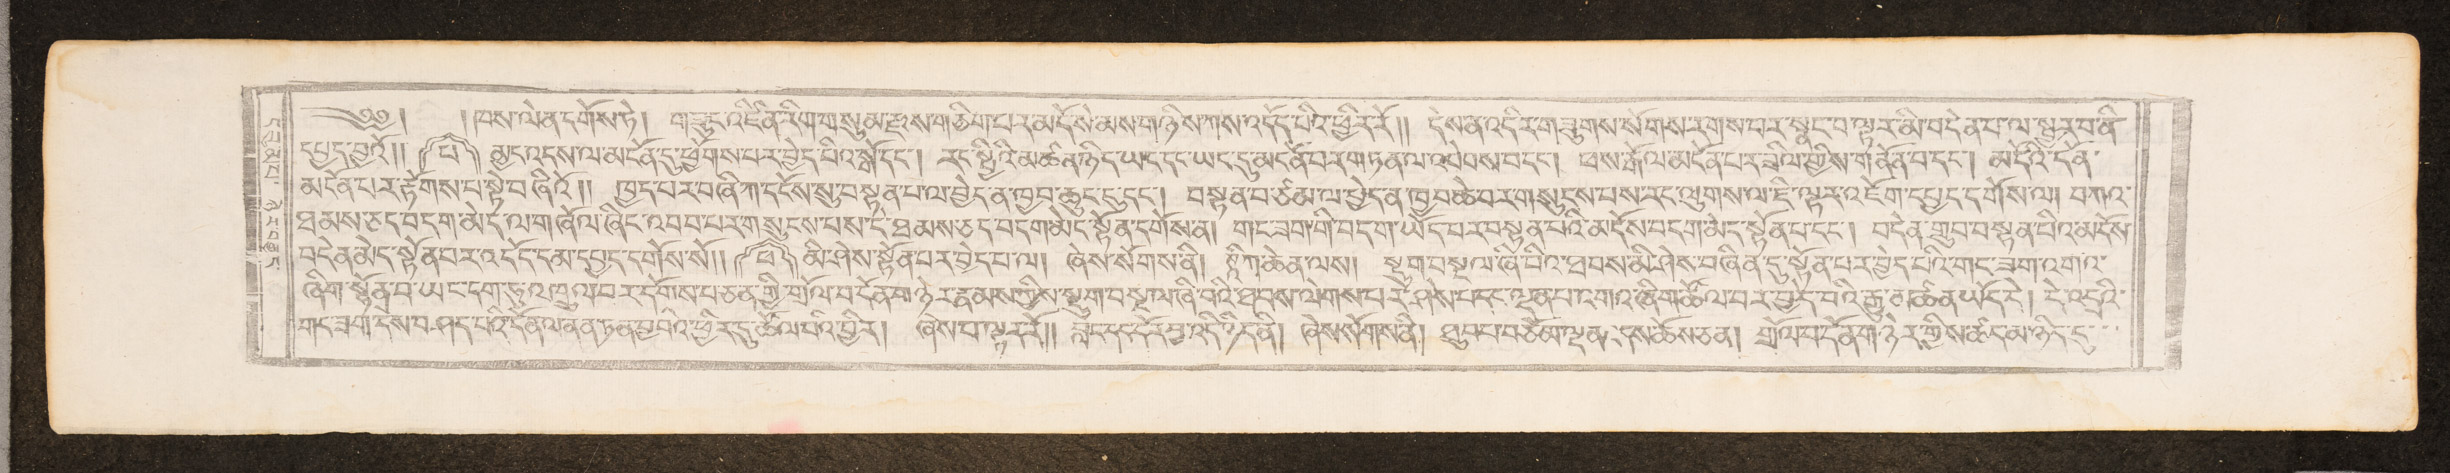༄༅། །ཁས་ལེན་དགོས་ཏེ། གཟུང་འཛིན་རིག་གསུམ་རྫས་གཅིག་པར་མདོ་སེམས་གཉིས་ཀས་འདོད་པའི་ཕྱིར་རོ།། དེས་ན་འདིར་གཟུགས་སོགས་རགས་པར་སྣང་བ་ལྟར་མི་བདེན་པ་ལ་སྦྱར་བ་ནི་
དཔྱད་བྱའོ།། ༼༽པ༼༽ མྱང་འདས་ལ་མངོན་དུ་ཕྱོགས་བར་བྱེད་པའི་སྒོ་དང་། རང་སྤྱིའི་མཚན་ཉིད་ཡང་དང་དུ་མངོན་པར་གཏན་ལ་འབེབས་པ་དང་། ཕས་རྒོལ་མངོན་པར་ཟིལ་གྱིས་གནོན་པ་དང་། མདོའི་དོན་
མངོན་པར་རྟོགས་པ་སྟེ་བཞིའོ།། ཁྱད་པར་བཞི་ཀ་དངོས་སུ་བསྟན་པལ་བྱེད་ན་ཁྱབ་ཆུང་དུ་དང་། བསྟན་པ་ཙམ་ལ་བྱེད་ན་ཁྱབ་ཆེ་བར་གསུངས་པས་རང་ལུགས་ལ་ཇི་ལྟར་འཇོག་དཔྱད་དགོས་ལ། བཀའ་
ཐམས་ཅད་བདག་མེད་ལ་གཞོལ་ཞིང་འབབ་པར་གསུངས་པས་དེ་ཐམས་ཅད་བདག་མེད་སྟོན་དགོས་ན། གང་ཟག་གི་བདག་ཡོད་པར་བསྟན་པའི་མདོས་བདག་མེད་སྟོན་པ་དང་། བདེན་གྲུབ་བསྟན་པའི་མངོས་
བདེན་མེད་སྟོན་པར་འདོད་དམ་དཔྱད་དགོས་སོ།། ༼༽ཕ༼༽ མི་ཤེས་སྟོན་པར་བྱེད་པ་ལ། ཞེས་སོགས་ནི། ཊཱིཀ་ཆེན་ལས། སྡུག་བསྔལ་ཞི་བའི་ཐབས་མི་ཤེས་བཞིན་དུ་སྟོན་པར་བྱེད་པའི་གང་ཟག་འགའ་
ཞིག་སྟོན་པ་ཡང་དག་ཏུ་འཁྲུལ་བར་དོགས་པ་ཅན་གྱི་གྲོལ་བ་དོན་གཉེར་རྣམས་ཀྱིས་སྡུག་བསྔལ་ཞི་བའི་ཐབས་ལེགས་པར་ཤེས་པ་དང་ལྡན་པ་འགའ་ཞིག་ཚོལ་བར་བྱེད་པའི་རྒྱུ་མཚན་ཡོད་དེ། དེ་འདྲའི་
གང་ཟག་དེས་བཤད་པའི་དོན་ལ་ནན་ཏན་བྱ་བའི་ཕྱིར་དུ་ཚོལ་བའི་ཕྱིར། ཞེས་པ་ལྟར་རོ།། བླང་དང་དོར་བྱ་འདི་ཉིད་ནི། ཞེས་སོགས་ནི། ཐུབ་པ་བཅོམ་ལྡན་འདས་ཆོས་ཅན། གྲོལ་བ་དོན་གཉེར་ཀྱིས་ཚད་མ་ཉིད་དུ་